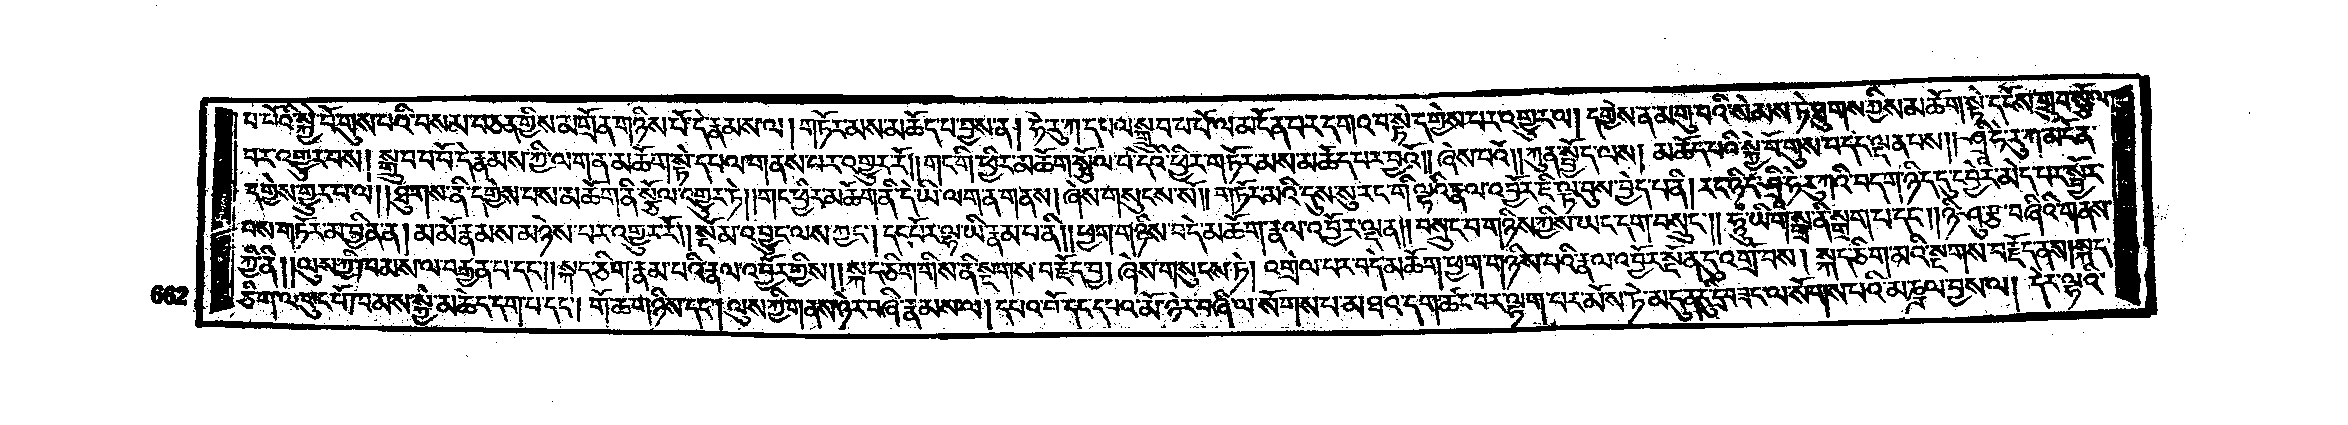པ་པོའི་སྐྱེ་བོ་གུས་པའི་བསམ་པ་ཅན་གྱིས་མགྲོན་གཉིས་པོ་དེ་རྣམས་ལ། གཏོར་མས་མཆོད་པ་བྱས་ན། ཧེ་རུ་ཀ་དཔལ་སྒྲུབ་པ་པོ་ལ་མངོན་པར་དགའ་བ་སྟེ་དགྱེས་པར་འགྱུར་ལ། དགྱེས་ན་མགུ་བའི་སེམས་ཏེ་ཐུགས་ཀྱིས་མཆོག་སྟེ་དངོས་གྲུབ་སྩོལ་
བར་འགྱུར་བས། སྒྲུབ་པ་པོ་དེ་རྣམས་ཀྱི་ལག་ན་མཆོག་སྟེ་དཔལ་གནས་པར་འགྱུར་རོ། །གང་གི་ཕྱིར་མཆོག་སྩོལ་པ་དེའི་ཕྱིར་གཏོར་མས་མཆོད་པར་བྱའོ། །ཞེས་པའོ། །ཀུན་སྤྱོད་ལས། མཆོད་པའི་སྐྱེ་བོ་གུས་པ་དང་ལྡན་པས། །ཤྲཱི་ཧེ་རུ་ཀ་མངོན་
དགྱེས་གྱུར་པ་ལ། །ཐུགས་ནི་དགྱེས་པས་མཆོག་ནི་སྩོལ་འགྱུར་ཏེ། །གང་ཕྱིར་མཆོག་ནི་དེ་ཡི་ལག་ན་གནས། ཞེས་གསུངས་སོ། །གཏོར་མའི་དུས་སུ་རང་གི་ལྷའི་རྣལ་འབྱོར་ཇི་ལྟ་བུས་བྱེད་པ་ནི། རང་ཉིད་ཤྲཱི་ཧེ་རུ་ཀའི་བདག་ཉིད་དུ་དབྱེར་མེད་པར་སྦྱོར་
བས་གཏོར་མ་བྱིན་ན། མ་མོ་རྣམས་མཉེས་པར་འགྱུར་རོ། །སྡོམ་འབྱུང་ལས་ཀྱང་། དང་པོར་ལྷ་ཡི་རྣམ་པ་ནི། །ཕྱག་གཉིས་བདེ་མཆོག་རྣལ་འབྱོར་ལྡན། །བསྲུང་བ་གཉིས་ཀྱིས་ཡང་དག་བསྲུང་། །ཧཱུཾ་ཡིག་སྒྲ་ནི་སྒྲག་པ་དང་། །ཉི་ཤུ་རྩ་བཞིའི་གནས་
ཀྱི་ནི། །ལུས་ཀྱི་ཁམས་ལ་བརྒྱན་པ་དང་། །སྐད་ཅིག་རྣམ་པའི་རྣལ་འབྱོར་གྱིས། །སྐད་ཅིག་གིས་ནི་སྔགས་བརྗོད་བྱ། ཞེས་གསུངས་ཏེ། འགྲེལ་པར་བདེ་མཆོག་ཕྱག་གཉིས་པའི་རྣལ་འབྱོར་སྔོན་དུ་འགྲོ་བས། སྐད་ཅིག་མའི་སྔགས་བརྗོད་ནས། སྐད་
ཅིག་ལ་ཕུང་པོ་ཁམས་སྐྱེ་མཆེད་དག་པ་དང་། གོ་ཆ་གཉིས་དང་། ལུས་ཀྱི་གནས་ཉེར་བཞི་རྣམས་ལ། དཔའ་བོ་དང་དཔའ་མོ་ཉེར་བཞི་ལ་སོགས་པ་མཐའ་དག་ཚང་བར་ལྷག་པར་མོས་ཏེ་མདུན་དུ་དྲི་བཟང་ལ་སོགས་པའི་མཎྜལ་བྱས་ལ། དེར་ལྷའི་